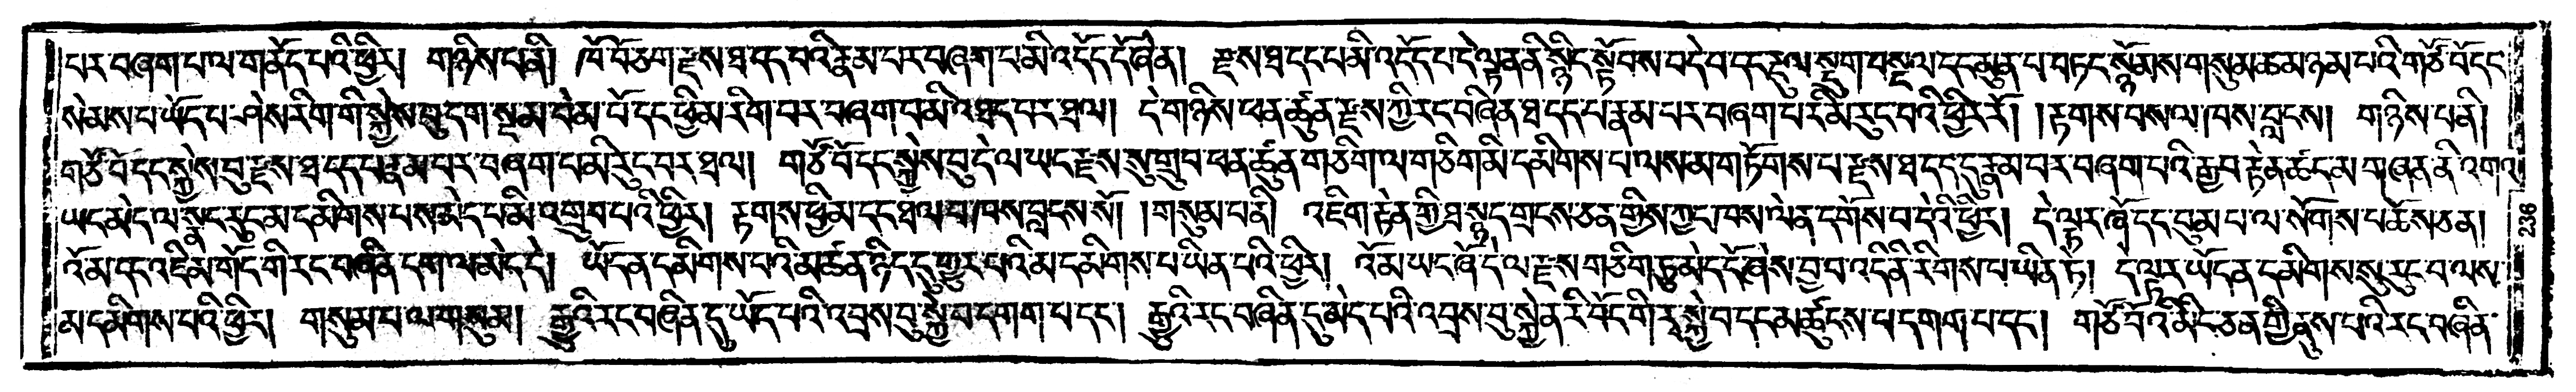པར་བཞག་པ་ལ་གནོད་པའི་ཕྱིར། གཉིས་པ་ནི། ཁོ་བོ་ཅག་རྫས་ཐ་དད་པའི་རྣམ་པར་བཞག་པ་མི་འདོད་དོ་ཞེ་ན། རྫས་ཐ་དད་པ་མི་འདོད་པ་དེ་ལྟན་ནི་སྙིང་སྟོབས་བདེ་པ་དང་རྔུལ་སྡུག་བསྔལ་དང་མུན་པ་བཏང་སྙོམས་གསུམ་ཆ་མཉམ་པའི་གཙོ་བོ་དང་
སེམས་པ་ཡོད་པ་ཤེས་རིག་གི་སྐྱེས་བུ་དག་སྔ་མ་བེམ་པོ་དང་ཕྱི་མ་རིག་པར་བཞག་པ་མི་འཐད་པར་ཐལ། དེ་གཉིས་ཕན་ཚུན་རྫས་ཀྱི་རང་བཞིན་ཐ་དད་པ་རྣམ་པར་བཞག་པར་མི་རུང་བའི་ཕྱིར་རོ། །རྟགས་བསལ་ཁས་བླངས། གཉིས་པ་ནི།
གཙོ་བོ་དང་སྐྱེས་བུ་རྫས་ཐ་དད་པ་རྣམ་པར་བཞག་པ་མི་རུང་བར་ཐལ། གཙོ་བོ་དང་སྐྱེས་བུ་དེ་ལ་ཡང་རྫས་སུ་གྲུབ་ཕན་ཚུན་གཅིག་ལ་གཅིག་མི་དམིགས་པ་ལས་མ་གཏོགས་པ་རྫས་ཐ་དད་དུ་རྣམ་པར་བཞག་པའི་རྒྱབ་རྟེན་ཚད་མ་གཞན་ནི་འགའ་
ཡང་མེད་ལ་སྣང་རུང་མ་དམིགས་པས་མེད་པ་མི་འགྲུབ་པའི་ཕྱིར། རྟགས་ཕྱི་མ་དང་ཐལ་བ་ཁས་བླངས་སོ། །གསུམ་པ་ནི། འཇིག་རྟེན་གྱི་ཐ་སྙད་གྲངས་ཅན་གྱིས་ཀྱང་ཁས་ལེན་དགོས་པ་དེའི་ཕྱིར། དེ་ལྟར་ཞོ་དང་བུམ་པ་ལ་སོགས་པ་ཆོས་ཅན།
འོ་མ་དང་འཇིམ་གོང་གི་རང་བཞིན་དག་ལ་མེད་དེ། ཡོད་ན་དམིགས་པའི་མཚན་ཉིད་དུ་གྱུར་པའི་མ་དམིགས་པ་ཡིན་པའི་ཕྱིར། འོ་མ་ཡང་ཞོ་དེ་ལ་རྫས་གཅིག་ཏུ་མེད་དོ་ཞེས་བྱ་བ་འདི་ནི་རིགས་པ་ཡིན་ཏེ། དེ་ལྟར་ཡོད་ན་དམིགས་སུ་རུང་བ་ལས་
མ་དམིགས་པའི་ཕྱིར། གསུམ་པ་ལ་གསུམ། རྒྱུའི་རང་བཞིན་དུ་ཡོད་པའི་འབྲས་བུ་སྐྱེ་བ་དགག་པ་དང་། རྒྱུའི་རང་བཞིན་དུ་མེད་པའི་འབྲས་བུ་སྐྱེ་ན་རི་བོང་གི་རྭ་སྐྱེ་བ་དང་མཚུངས་པ་དགག་པ་དང་། གཙོ་བོའི་མིང་ཅན་གྱི་ནུས་པའི་རང་བཞིན་